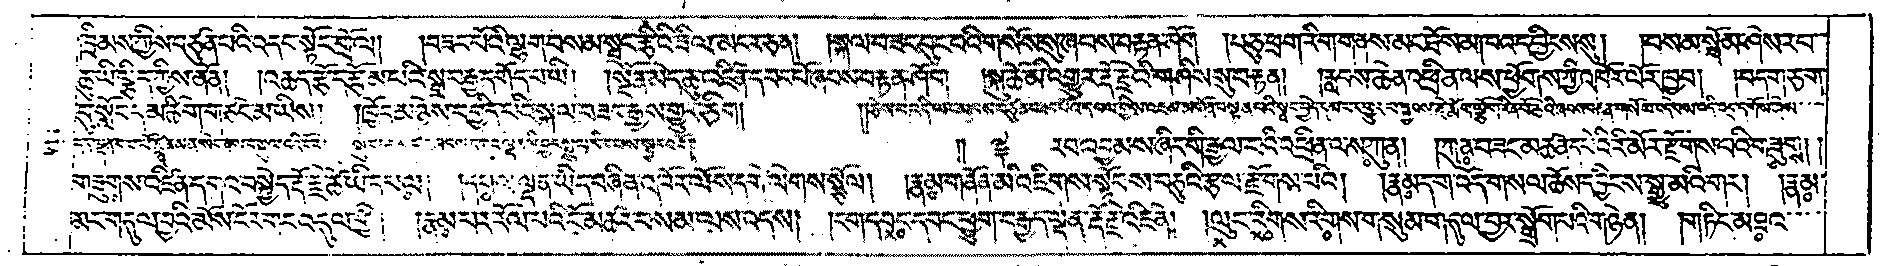ཁྲིམས་ཀྱིས་བཙུན་པའི་འདབ་སྟོང་གྲོལ། །བཟང་པོའི་ལྷག་བསམ་སྦྲང་རྩིའི་ཟིལ་མངར་ཅན། །སྐལ་བཟང་བུང་བའི་གསོས་སུ་ཞབས་བརྟན་ཤོག །བཅུ་ཕྲག་རིག་གནས་མང་ཐོས་མཁའ་དབྱིངས་སུ། །བསམ་སྒོམ་ཤེས་རབ་
ཆུ་ཡི་ལྕིད་ཀྱིས་ནོན། །འཆད་རྩོད་རྩོམ་པའི་སྒྲ་བརྒྱ་དགོད་པ་ཡི། །སྔོན་མེད་ཆུ་འཛིན་དབང་པོ་ཞབས་བརྟན་ཤོག །སྐུ་ཚེ་མི་འགྱུར་རྡོ་རྗེའི་གཤིས་སུ་བརྟན། །རླབས་ཆེན་འཕྲིན་ལས་ཕྱོགས་ཀྱི་འཁོར་ལོར་ཁྱབ། །བདག་ཅག་
བུ་སློབ་དམ་ཚིག་གཙང་མ་ཡིས། །ཁྱོད་མཉེས་བགྱིད་པའི་སྐལ་བཟང་རྒྱས་གྱུར་ཅིག ། །།ཅེས་པ་འདི་ཡང་མཁས་བཙུན་བཟང་པོའི་དཔལ་གྱིས་འཇམ་མགོན་བསྟན་པའི་སྣང་བྱེད་དམ་པར་གྱུར་པ་སྐྱབས་རྗེ་རྨོག་ལྕོག་རིན་པོ་ཆེའི་ཞབས་བརྟན་གསོལ་འདེབས་འདི་འདྲ་དགོས་ཞེས་
དད་ལྡན་བལ་པོ་ཛྙཱ་ན་མན་སེང་ནས་བསྐུལ་བའི་དོར། སྐུ་བཅར་མཚན་ནད་ས་དགའ་ལྡན་ནི་བྱང་སྤྲུལ་མིང་པས་སྦྱར་བའོ།། །། ༈ རབ་འབྱམས་ཞིང་གི་རྒྱལ་བའི་འཕྲིན་ལས྾་ཀུན། །ཀུན྾་བཟང་མཚན་དཔེའི་རི་མོར་རྫོགས་པའི་གཟུགས྾། །
གཟུགས྾་འཛིན་དགའ་བསྐྱེད་རྡོ་རྗེ་ཚེ་ཡི་དཔལ྾། །དགའ྾་ལྡན་ཡིད་བཞིན་འཁོར་ལོས་དགེ་ལེགས་སྩོལ། །རྣམ྾་གནོན་མི་འཇིགས་སྟོབས་བཅུའི་རྩལ་རྫོགས་པའི། །རྣམ྾་དག་འོད་གསལ་ཆོས་དབྱིངས་སྒྱུ་མའི་གར། །རྣམ྾་
མང་གདུལ་བྱའི་མོས་ངོར་གང་འདུལ་གྱི། །རྣམ྾་པར་རོལ་པའི་ངོ་མཚར་བསམ་ལས་འདས། །ངག་དབང་྾྾་དབང་ཕྱུག་བརྒྱད་ལྡན་རྡོ་རྗེ་འཛིན། །྾་ལུང་྾྾་རིགས་རིགས྾་གསུམ་གདུལ་བྱར་སྒྲོག་པའི་གཉེན། །གཏིང་མཐའ྾་